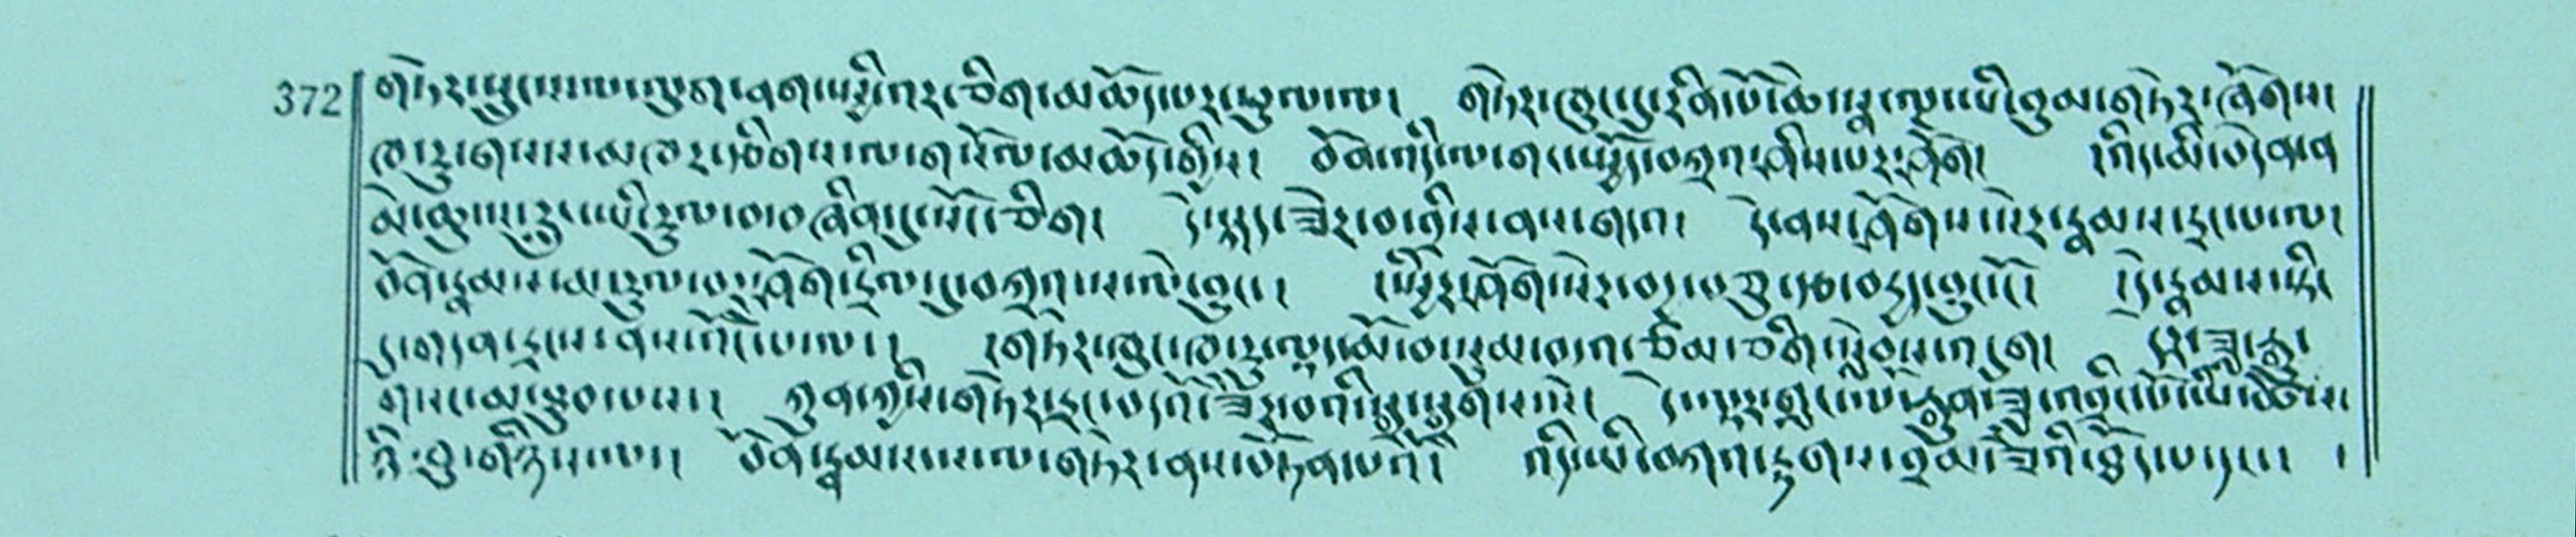གཏེར་བསྲུངས་ལ་ལུག་ནག་སྤྱི་ཀར་ཅིག་མཆོད་པར་ཕུལ་བ་ལ། གཏེར་ཁུང་དུ་རིན་པོ་ཆེ་སྣ་ལྔ་ཡི་བུམ་གཏེར་ཞོགས། 
ཁ་རུ་གསས་མཁར་རྩིགས་ལ་གསོལ་མཆོད་གྱིས། བོན་འདི་ལ་གང་སྤྱོད་བཀྲ་ཤིས་པར་ཤོག འདི་མི་བདེན་ན་
མེ་ཆུ་ས་རླུང་གི་རུལ་བ་བཞིན་དུ་སོང་ཅིག དེ་སྐད་ཟེར་བ་བྲིས་ནས་གདའ། དེ་ནས་ཤོགས་སེར་རྣམས་དྲང་པ་ལ། 
བོན་རྣམས་མ་རུལ་བར་ཤོག་དྲིལ་དུ་བཀྲའ་ས་ལེ་བྱུང་། སྤྱིར་ཤོག་སེར་བརྒྱ་བཅུ་རྩ་བརྒྱད་བྱུང་ངོ་། །དེ་རྣམས་སྟེང་
དུ་གདན་དྲངས་ནས་འོང་བ་ལ། གཏེར་ཁུང་ཁ་རུ་ལྟད་མོ་བ་སུམ་བརྒྱ་ཙམ་ཅིག་སླེབས་འདུག དེར་ཟླ་རྒུ་
གསང་མ་ཐུབ་པས། ཀུན་ཀྱིས་གཏེར་དྲང་གདའོ་ཟེར་བའི་སྒྲ་བསྒྲགས་སོ། །དེ་ལྟར་གླང་ལོ་རྒུན་ཟླ་འབྲིང་པོ་ཡི་ཚེས་
ཉི་ཤུ་གཉིས་ལ། བོན་རྣམས་ས་ལ་གཏེར་ནས་བཏོན་པའོ། །འདིའི་བཀའ་རྟགས་བྲམ་ཟེའི་ཐོད་པ་དང་།